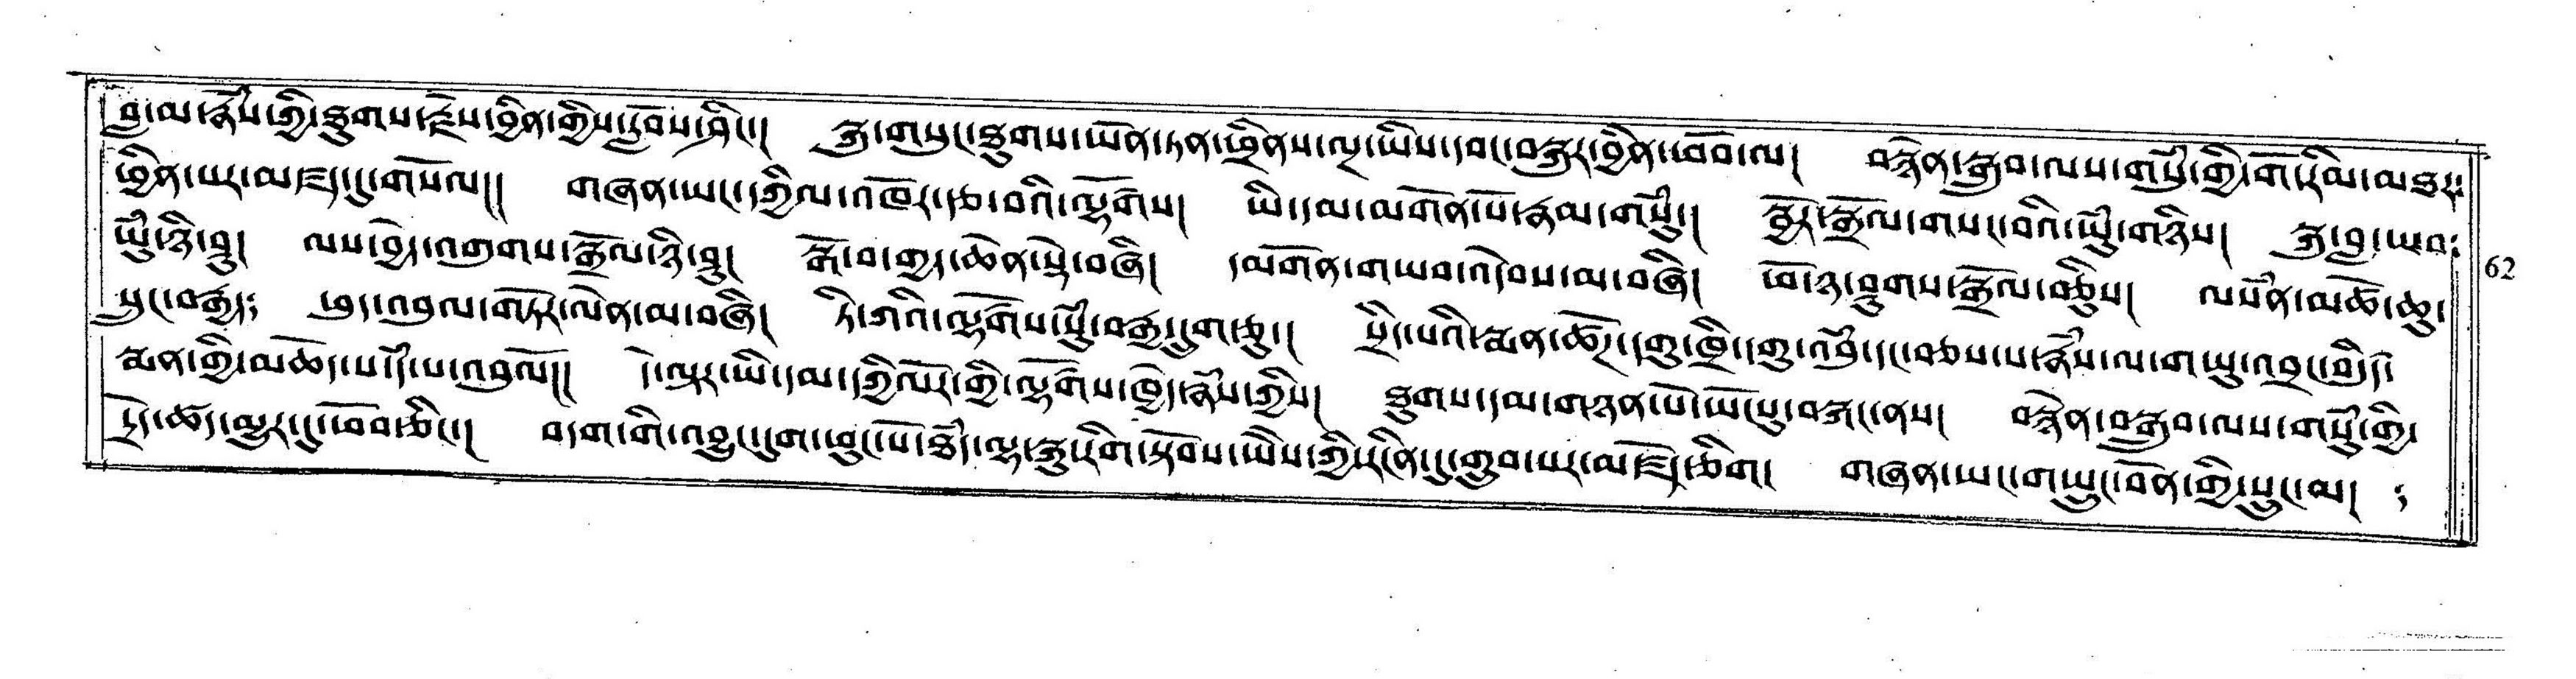བླ་མ་རྣམས་ཀྱི་ཐུགས་རྗེས་བྱིན་གྱིས་རློབས་ཤིང་། སྐུ་གསུང་ཐུགས་ཡོན་ཏན་ཕྲིན་ལས་ལྔ་ཡིས་དབང་བསྐུར་བྱིན་ཕོབ་ལ། བསྙེན་སྒྲུབ་ལས་གསུམ་གྱི་གོ་རིམ་མཐར་
ཕྱིན་པར་མཛད་དུ་གསོལ།། གཞན་ཡང་དཀྱིལ་འཁོར་རྩ་བའི་ལྷ་ཚོགས། ཡི་དམ་མགོན་པོ་རྣམ་གསུམ། སྦྱོར་སྒྲོལ་གསང་བའི་ཡུམ་གཉིས། སྐུ་བླ་ཡབ་
ཡུམ་ཉི་ཤུ། ལས་བྱེད་འགུགས་སྒྲོལ་ཉི་ཤུ། སྒོ་བ་གྱད་ཆེན་སྡེ་བཞི། དམག་དཔོན་གཡའ་འདེབས་མ་བཞི། ཕོ་ཉ་ཤུགས་སྒྲོལ་བཅུ་གཉིས། ལས་མཁན་མཚོ་ཆུ་
སྲུང་བརྒྱད། ཕུད་འབུལ་གཏོར་ལེན་མ་བཞི། ཏི་ཀའི་ལྷ་ཚོགས་སུམ་བརྒྱ་དྲུག་ཅུ། སྲིད་པའི་སྨན་ཚོགས་དགུ་ཁྲི་དགུ་འབུམ་དང་བཅས་པ་རྣམས་ལ་གཡུ་འབྲང་བདུད་རྩི་
སྨན་གྱི་མཆོད་པ་དམ་པ་འབུལ་ལོ།། དེ་ལྟར་ཡི་དམ་དཀྱིལ་འཁོར་གྱི་ལྷ་ཚོགས་ཁྱེད་རྣམས་ཀྱིས། ཐུགས་དམ་གཉན་པོ་ཡོངས་སུ་བསྐང་ནས། བསྙེན་བསྒྲུབ་ལས་གསུམ་གྱི་
དྲོད་ཚད་མྱུར་དུ་ཕོབ་ཅིང་། བདག་གི་འབྱུང་དུག་ཕུང་པོ་ཐམས་ཅད་ལྷ་སྐུ་རིག་སྟོབས་ཡེ་ཤེས་ཀྱི་རང་བཞིན་དུ་གྲུབ་པར་མཛོད་ཅིག གཞན་ཡང་གཡུང་དྲུང་བོན་གྱི་སྲུང་མ།